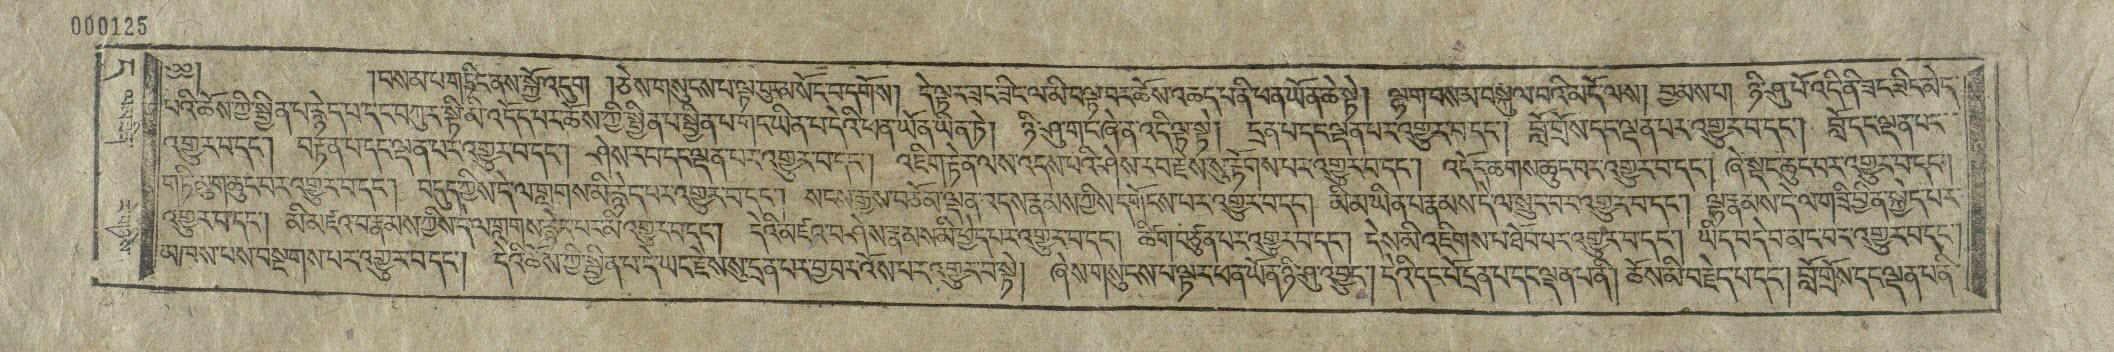༄༅། །བསམ་པ་གཏིང་ནས་སྐྱོ་འདུག །ཅེས་གསུངས་པ་ལྟ་བུར་མ་སོང་བ་དགོས། དེ་ལྟར་ཟང་ཟིང་ལ་མི་བལྟ་བར་ཆོས་འཆད་པ་ནི་ཕན་ཡོན་ཆེ་སྟེ། ལྷག་བསམ་བསྐུལ་བའི་མདོ་ལས། བྱམས་པ། ཉི་ཤུ་པོ་འདི་ནི་ཟང་ཟིང་མེད་
པའི་ཆོས་ཀྱི་སྦྱིན་པ་རྙེད་པ་དང་བཀུར་སྟི་མི་འདོད་པར་ཆོས་ཀྱི་སྦྱིན་པ་སྦྱིན་པ་གང་ཡིན་པ་དེའི་ཕན་ཡོན་ཡིན་ཏེ། ཉི་ཤུ་གང་ཞེ་ན་འདི་ལྟ་སྟེ། དྲན་པ་དང་ལྡན་པར་འགྱུར་བ་དང་། བློ་གྲོས་དང་ལྡན་པར་འགྱུར་བ་དང་། བློ་དང་ལྡན་པར་
འགྱུར་བ་དང་། བརྟན་པ་དང་ལྡན་པར་འགྱུར་བ་དང་། ཤེས་རབ་དང་ལྡན་པར་འགྱུར་བ་དང་། འཇིག་རྟེན་ལས་འདས་པའི་ཤེས་རབ་རྗེས་སུ་རྟོགས་པར་འགྱུར་བ་དང་། འདོད་ཆགས་ཆུང་བར་འགྱུར་བ་དང་། ཞེ་སྡང་ཆུང་བར་འགྱུར་བ་དང་།
གཏི་མུག་ཆུང་བར་འགྱུར་བ་དང་། བདུད་ཀྱིས་དེ་ལ་གླགས་མི་རྙེད་པར་འགྱུར་བ་དང་། སངས་རྒྱས་བཅོམ་ལྡན་འདས་རྣམས་ཀྱིས་དགོངས་པར་འགྱུར་བ་དང་། མི་མ་ཡིན་པ་རྣམས་དེ་ལ་སྲུང་བར་འགྱུར་བ་དང་། ལྷ་རྣམས་དེ་ལ་གཟི་བྱིན་སྐྱེད་པར་
འགྱུར་བ་དང་། མི་མཛའ་བ་རྣམས་ཀྱིས་དེ་ལ་གླགས་རྙེད་པར་མི་འགྱུར་བ་དང་། དེའི་མཛའ་བཤེས་རྣམས་མི་ཕྱེད་པར་འགྱུར་བ་དང་། ཚིག་བཙུན་པར་འགྱུར་བ་དང་། དེས་མི་འཇིགས་པ་ཐོབ་པར་འགྱུར་བ་དང་། ཡིད་བདེ་བ་མང་བར་འགྱུར་བ་དང་།
མཁས་པས་བསྔགས་པར་འགྱུར་བ་དང་། དེའི་ཆོས་ཀྱི་སྦྱིན་པ་དེ་ཡང་རྗེས་སུ་དྲན་པར་བྱ་བར་འོས་པར་འགྱུར་བ་སྟེ། ཞེས་གསུངས་པ་ལྟར་ཕན་ཡོན་ཉི་ཤུ་འབྱུང་། དེའི་དང་པོ་དྲན་པ་དང་ལྡན་པ་ནི། ཆོས་མི་བརྗེད་པ་དང་། བློ་གྲོས་དང་ལྡན་པ་ནི་